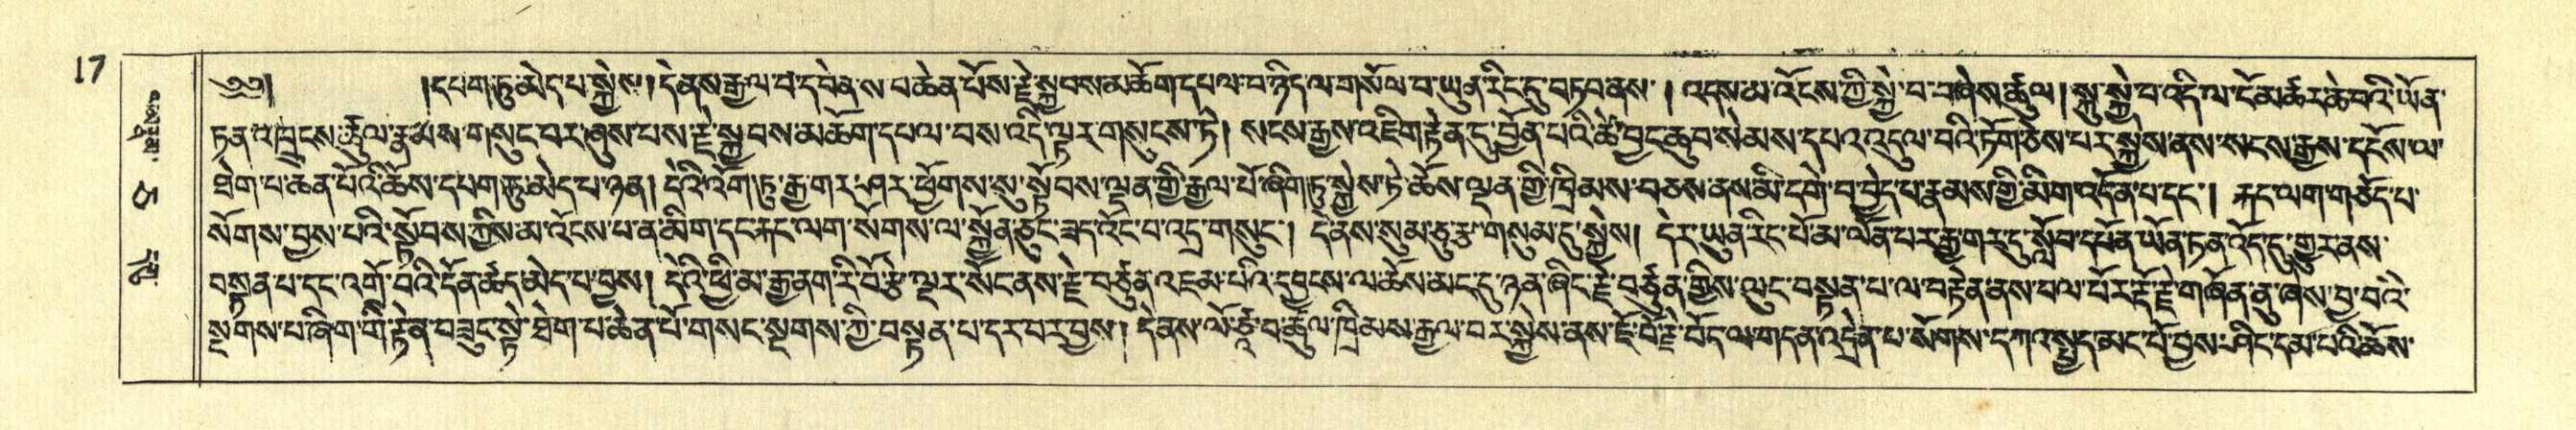༄༅། །དཔག་ཏུ་མེད་པ་སྐྱེས། དེ་ནས་རྒྱལ་བ་དབེན་ས་པ་ཆེན་པོས་རྗེ་སྐྱབས་མཆོག་དཔལ་བ་ཉིད་ལ་གསོལ་བ་ཡུན་རིང་དུ་བཏབ་ནས། འདས་མ་འོངས་ཀྱི་སྐྱེ་བ་བཞེས་ཚུལ། སྐུ་སྐྱེ་བ་འདི་ལ་ངོ་མཚར་ཆེ་བའི་ཡོན་
ཏན་འཁྲུངས་ཚུལ་རྣམས་གསུང་པར་ཞུས་པས་རྗེ་སྐྱབས་མཆོག་དཔལ་བས་འདི་ལྟར་གསུངས་ཏེ། སངས་རྒྱས་འཇིག་རྟེན་དུ་བྱོན་པའི་ཚེ་བྱང་ཆུབ་སེམས་དཔའ་འདུལ་བའི་ཏོག་ཅེས་པར་སྐྱེས་ནས་སངས་རྒྱས་དངོས་ལ་
ཐེག་པ་ཆན་པོའི་ཆོས་དཔག་ཏུ་མེད་པ་ཉན། དེའི་འོག་ཏུ་རྒྱ་གར་ཤར་ཕྱོགས་སུ་སྟོབས་ལྡན་གྱི་རྒྱལ་པོ་ཞིག་ཏུ་སྐྱེས་ཏེ་ཆོས་ལྡན་གྱི་ཁྲིམས་བཅས་ནས་མི་དགེ་བ་བྱེད་པ་རྣམས་གྱི་མིག་འདོན་པ་དང་། རྐང་ལག་གཅོད་པ་
སོགས་བྱས་པའི་སྟོབས་ཀྱིས་མ་འོངས་པ་ན་མིག་དང་རྐང་ལག་སོགས་ལ་སྐྱོན་ཅུང་ཟད་འོང་བ་འདྲ་གསུང་། དེ་ནས་སུམ་ཅུ་རྩ་གསུམ་དུ་སྐྱེས། དེར་ཡུན་རིང་པོ་མ་ལོན་པར་རྒྱ་གར་དུ་སློབ་དཔོན་ཡོན་ཏན་འོད་དུ་གྱུར་ནས་
བསྟན་པ་དང་འགྲོ་བའི་དོན་ཚད་མེད་པ་བྱས། དེའི་ཕྱི་མ་རྒྱ་ནག་རི་བོ་རྩེ་ལྔར་སོང་ནས་རྗེ་བཙུན་འཇམ་པའི་དབྱངས་ལ་ཆོས་མང་དུ་ཉན་ཞིང་རྗེ་བཙུན་གྱིས་ལུང་བསྟན་པ་ལ་བརྟེན་ནས་བལ་པོར་རྡོ་རྗེ་གཞོན་ནུ་ཞེས་བྱ་བའི་
སྔགས་པ་ཞིག་གི་རྟེན་བཟུང་སྟེ་ཐེག་པ་ཆེན་པོ་གསང་སྔགས་ཀྱི་བསྟན་པ་དར་བར་བྱས། དེ་ནས་ལོ་ཙཱ་བ་ཚུལ་ཁྲིམས་རྒྱལ་བར་སྐྱེས་ནས་ཇོ་བོ་རྗེ་བོད་ལ་གདན་འདྲེན་པ་སོགས་དཀའ་སྤྱད་མང་པོ་བྱས་ཤིང་དམ་པའི་ཆོས་